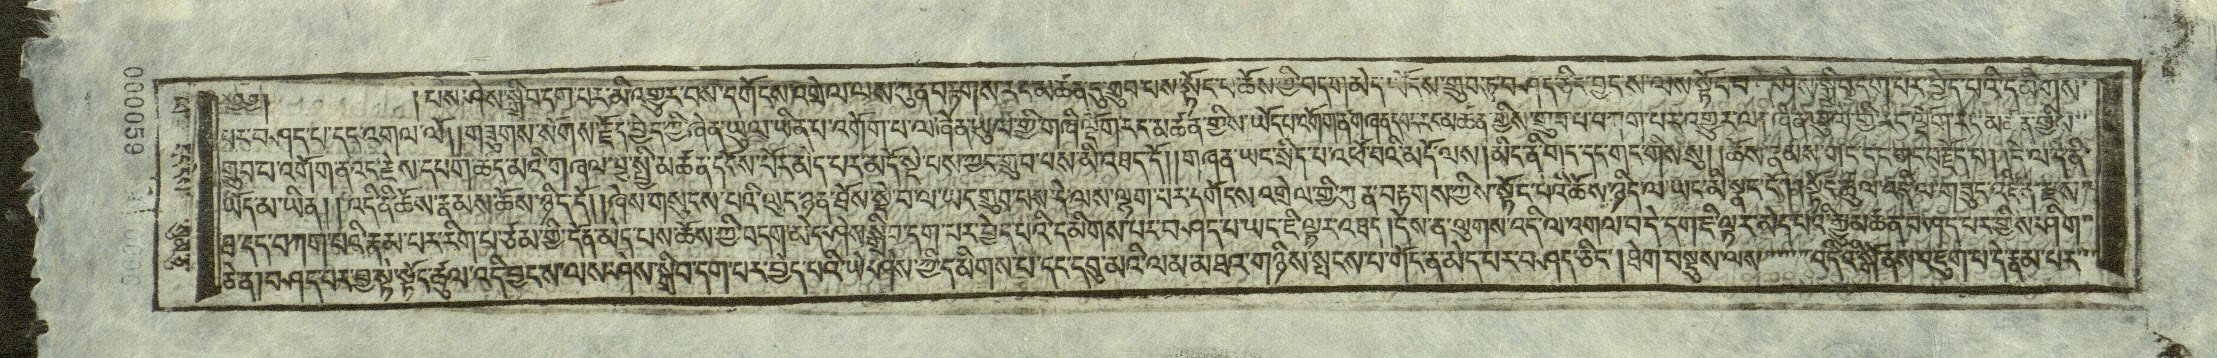༄༅། །པས་ཤེས་སྒྲིབ་དག་པར་མི་འགྱུར་བས་དགོངས་འགྲེལ་ལས་ཀུན་བརྟགས་རང་མཚན་དུ་གྲུབ་པས་སྟོང་པ་ཆོས་ཀྱི་བདག་མེད་ཡོངས་གྲུབ་ཏུ་བཤད་ཅིང་བྱང་ས་ལས་སྟོང་པ་དེ་ཤེས་སྒྲིབ་དག་པར་བྱེད་པའི་དམིགས་
པར་བཤད་པ་དང་འགལ་ལོ། །གཟུགས་སོགས་རྗོད་བྱེད་ཀྱི་ཞེན་ཡུལ་ཡིན་པ་འགོག་པ་ལ་ཞེན་ཡུལ་གྱི་གཞི་ལྡོག་རང་མཚན་གྱིས་ཡོད་པ་འགོག་ན་གཞན་དབང་རང་མཚན་གྱིས་གྲུབ་པ་བཀག་པར་འགྱུར་ལ། ཞེན་ཡུལ་གྱི་རང་ལྡོག་རང་མཚན་གྱིས་
གྲུབ་པ་འགོག་ནའང་རྗེས་དཔག་ཚད་མའི་གཞལ་བྱ་སྤྱི་མཚན་དངོས་པོར་མེད་པར་མདོ་སྡེ་བས་ཀྱང་གྲུབ་པས་མི་འཐད་དོ། །གཞན་ཡང་སྲིད་པ་འཕོ་བའི་མདོ་ལས། མིང་ནི་གང་དང་གང་གིས་སུ། །ཆོས་རྣམས་གང་དང་གང་བརྗོད་པ། །དེ་ལ་དེ་ནི་
ཡོད་མ་ཡིན། །འདི་ནི་ཆོས་རྣམས་ཆོས་ཉིད་དོ། །ཞེས་གསུངས་པའི་ལུང་ཉན་ཐོས་སྡེ་པ་ལ་ཡང་གྲུབ་པས་དེ་ལས་ལྷག་པར་དགོངས་འགྲེལ་གྱི་ཀུན་བརྟགས་ཀྱིས་སྟོང་པའི་ཆོས་ཉིད་ལ་ཡང་མི་སྣང་ངོ། །སྟོང་ཚུལ་འདི་ལ་གཟུང་འཛིན་རྫས་
ཐ་དད་བཀག་པའི་རྣམ་པར་རིག་པ་ཙམ་གྱི་དོན་མེད་པས་ཆོས་ཀྱི་བདག་མེད་ཤེས་སྒྲིབ་དག་པར་བྱེད་པའི་དམིགས་པར་བཤད་པ་ཡང་ཇི་ལྟར་འཐད། དེས་ན་ལུགས་འདི་ལ་འགལ་བ་དེ་དག་ཇི་ལྟར་མེད་པའི་རྒྱུ་མཚན་བཤད་པར་གྱིས་ཤིག་
ཅེ་ན། བཤད་པར་བྱ་སྟེ་སྟོང་ཚུལ་འདི་བྱན་ས་ལས་ཤེས་སྒྲིབ་དག་པར་བྱེད་པའི་ཡེ་ཤེས་ཀྱི་དམིགས་པ་དང་དབུ་མའི་ལམ་མཐའ་གཉིས་སྤངས་པ་གོང་ན་མེད་པར་བཤད་ཅིང་། ཐེག་བསྡུས་ལས་འདིའི་སྒོ་ནས་འཇུག་པ་དེ་རྣམ་པར་